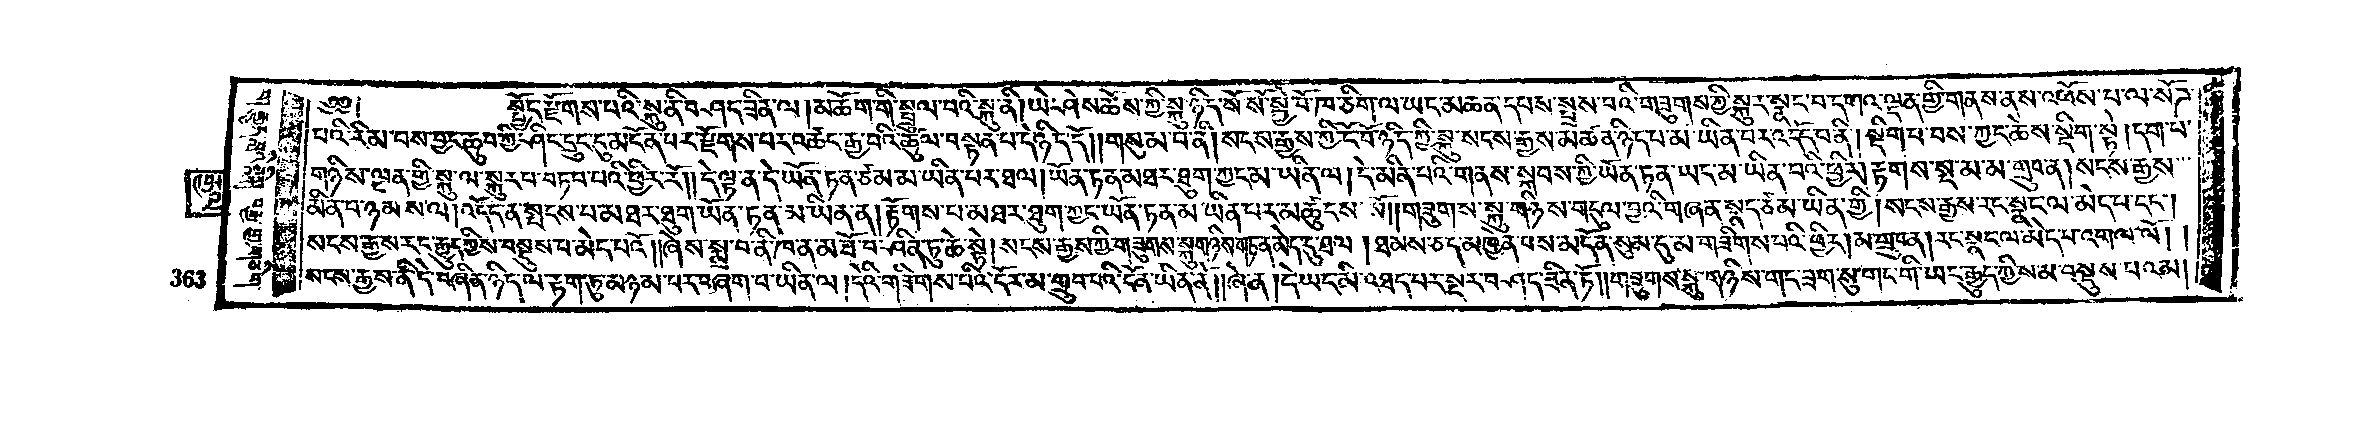༄༅། །སྤྱོད་རྫོགས་པའི་སྐུ་ནི་བཤད་ཟིན་ལ། མཆོག་གི་སྤྲུལ་པའི་སྐུ་ནི། ཡེ་ཤེས་ཆོས་ཀྱི་སྐུ་ཉིད་སོ་སོ་སྐྱེ་བོ་ཁ་ཅིག་ལ་ཡང་མཚན་དཔས་སྤྲས་པའི་གཟུགས་ཀྱི་སྐུར་སྣང་བ་དགའ་ལྡན་གྱི་གནས་ནས་འཕོས་པ་ལ་སོགས་
པའི་རིམ་པས་བྱང་ཆུབ་ཀྱི་ཤིང་དྲུང་དུ་མངོན་པར་རྫོགས་པར་འཚང་རྒྱ་བའི་ཚུལ་བསྟན་པ་དེ་ཉིད་དོ། །གསུམ་པ་ནི། སངས་རྒྱས་ཀྱི་ངོ་བོ་ཉིད་ཀྱི་སྐུ་སངས་རྒྱས་མཚན་ཉིད་པ་མ་ཡིན་པར་འདོད་པ་ནི། སྡིག་པ་བས་ཀྱང་ཆེས་སྡིག་སྟེ། དག་པ་
གཉིས་ལྡན་གྱི་སྐུ་ལ་སྐུར་བ་བཏབ་པའི་ཕྱིར་རོ། །དེ་ལྟ་ན་དེ་ཡོན་ཏན་ཙམ་མ་ཡིན་པར་ཐལ། ཡོན་ཏན་མཐར་ཐུག་ཀྱང་མ་ཡིན་ལ། དེ་མིན་པའི་གནས་སྐབས་ཀྱི་ཡོན་ཏན་ཡང་མ་ཡིན་པའི་ཕྱིར། རྟགས་སྔ་མ་མ་གྲུབ་ན། སངས་རྒྱས་
མིན་པ་ཉམས་ལ། འདོད་ན་སྤངས་པ་མཐར་ཐུག་ཡོན་ཏན་མ་ཡིན་ན། རྟོགས་པ་མཐར་ཐུག་ཀྱང་ཡོན་ཏན་མ་ཡིན་པར་མཚུངས་སོ། །གཟུགས་སྐུ་གཉིས་གདུལ་བྱའི་གཞན་སྣད་ཙམ་ཡིན་གྱི་།སངས་རྒྱས་རང་སྣང་ལ་མེད་པ་དང་།
སངས་རྒྱས་རང་རྒྱུད་ཀྱིས་བསྡུས་པ་མེད་པའོ། །ཞེས་སྨྲ་བ་ནི་ཁ་ན་མ་ཐོ་བ་ཤིན་ཏུ་ཆེ་སྟེ། སངས་རྒྱས་ཀྱི་གཟུགས་སྐུ་གཉིས་གཏན་མེད་དུ་ཐལ། ཐམས་ཅད་མཁྱེན་པས་མངོན་སུམ་དུ་མ་གཟིགས་པའི་ཕྱིར། མ་གྲུབ་ན། རང་སྣང་ལ་མེད་པ་འགལ་ལོ། །
སངས་རྒྱས་ནི་དེ་བཞིན་ཉིད་ལ་རྟག་ཏུ་མཉམ་པར་བཞག་པ་ཡིན་ལ། དེའི་གཟིགས་པའི་ངོར་མ་གྲུབ་པའི་དོན་ཡིན་ནོ། །ཞེ་ན། དེ་ཡང་མི་འཐད་པར་སྔར་བཤད་ཟིན་ཏོ། །གཟུགས་སྐུ་གཉིས་གང་ཟག་སུ་གང་གི་ཡང་རྒྱུད་ཀྱིས་མ་བསྡུས་པའམ།